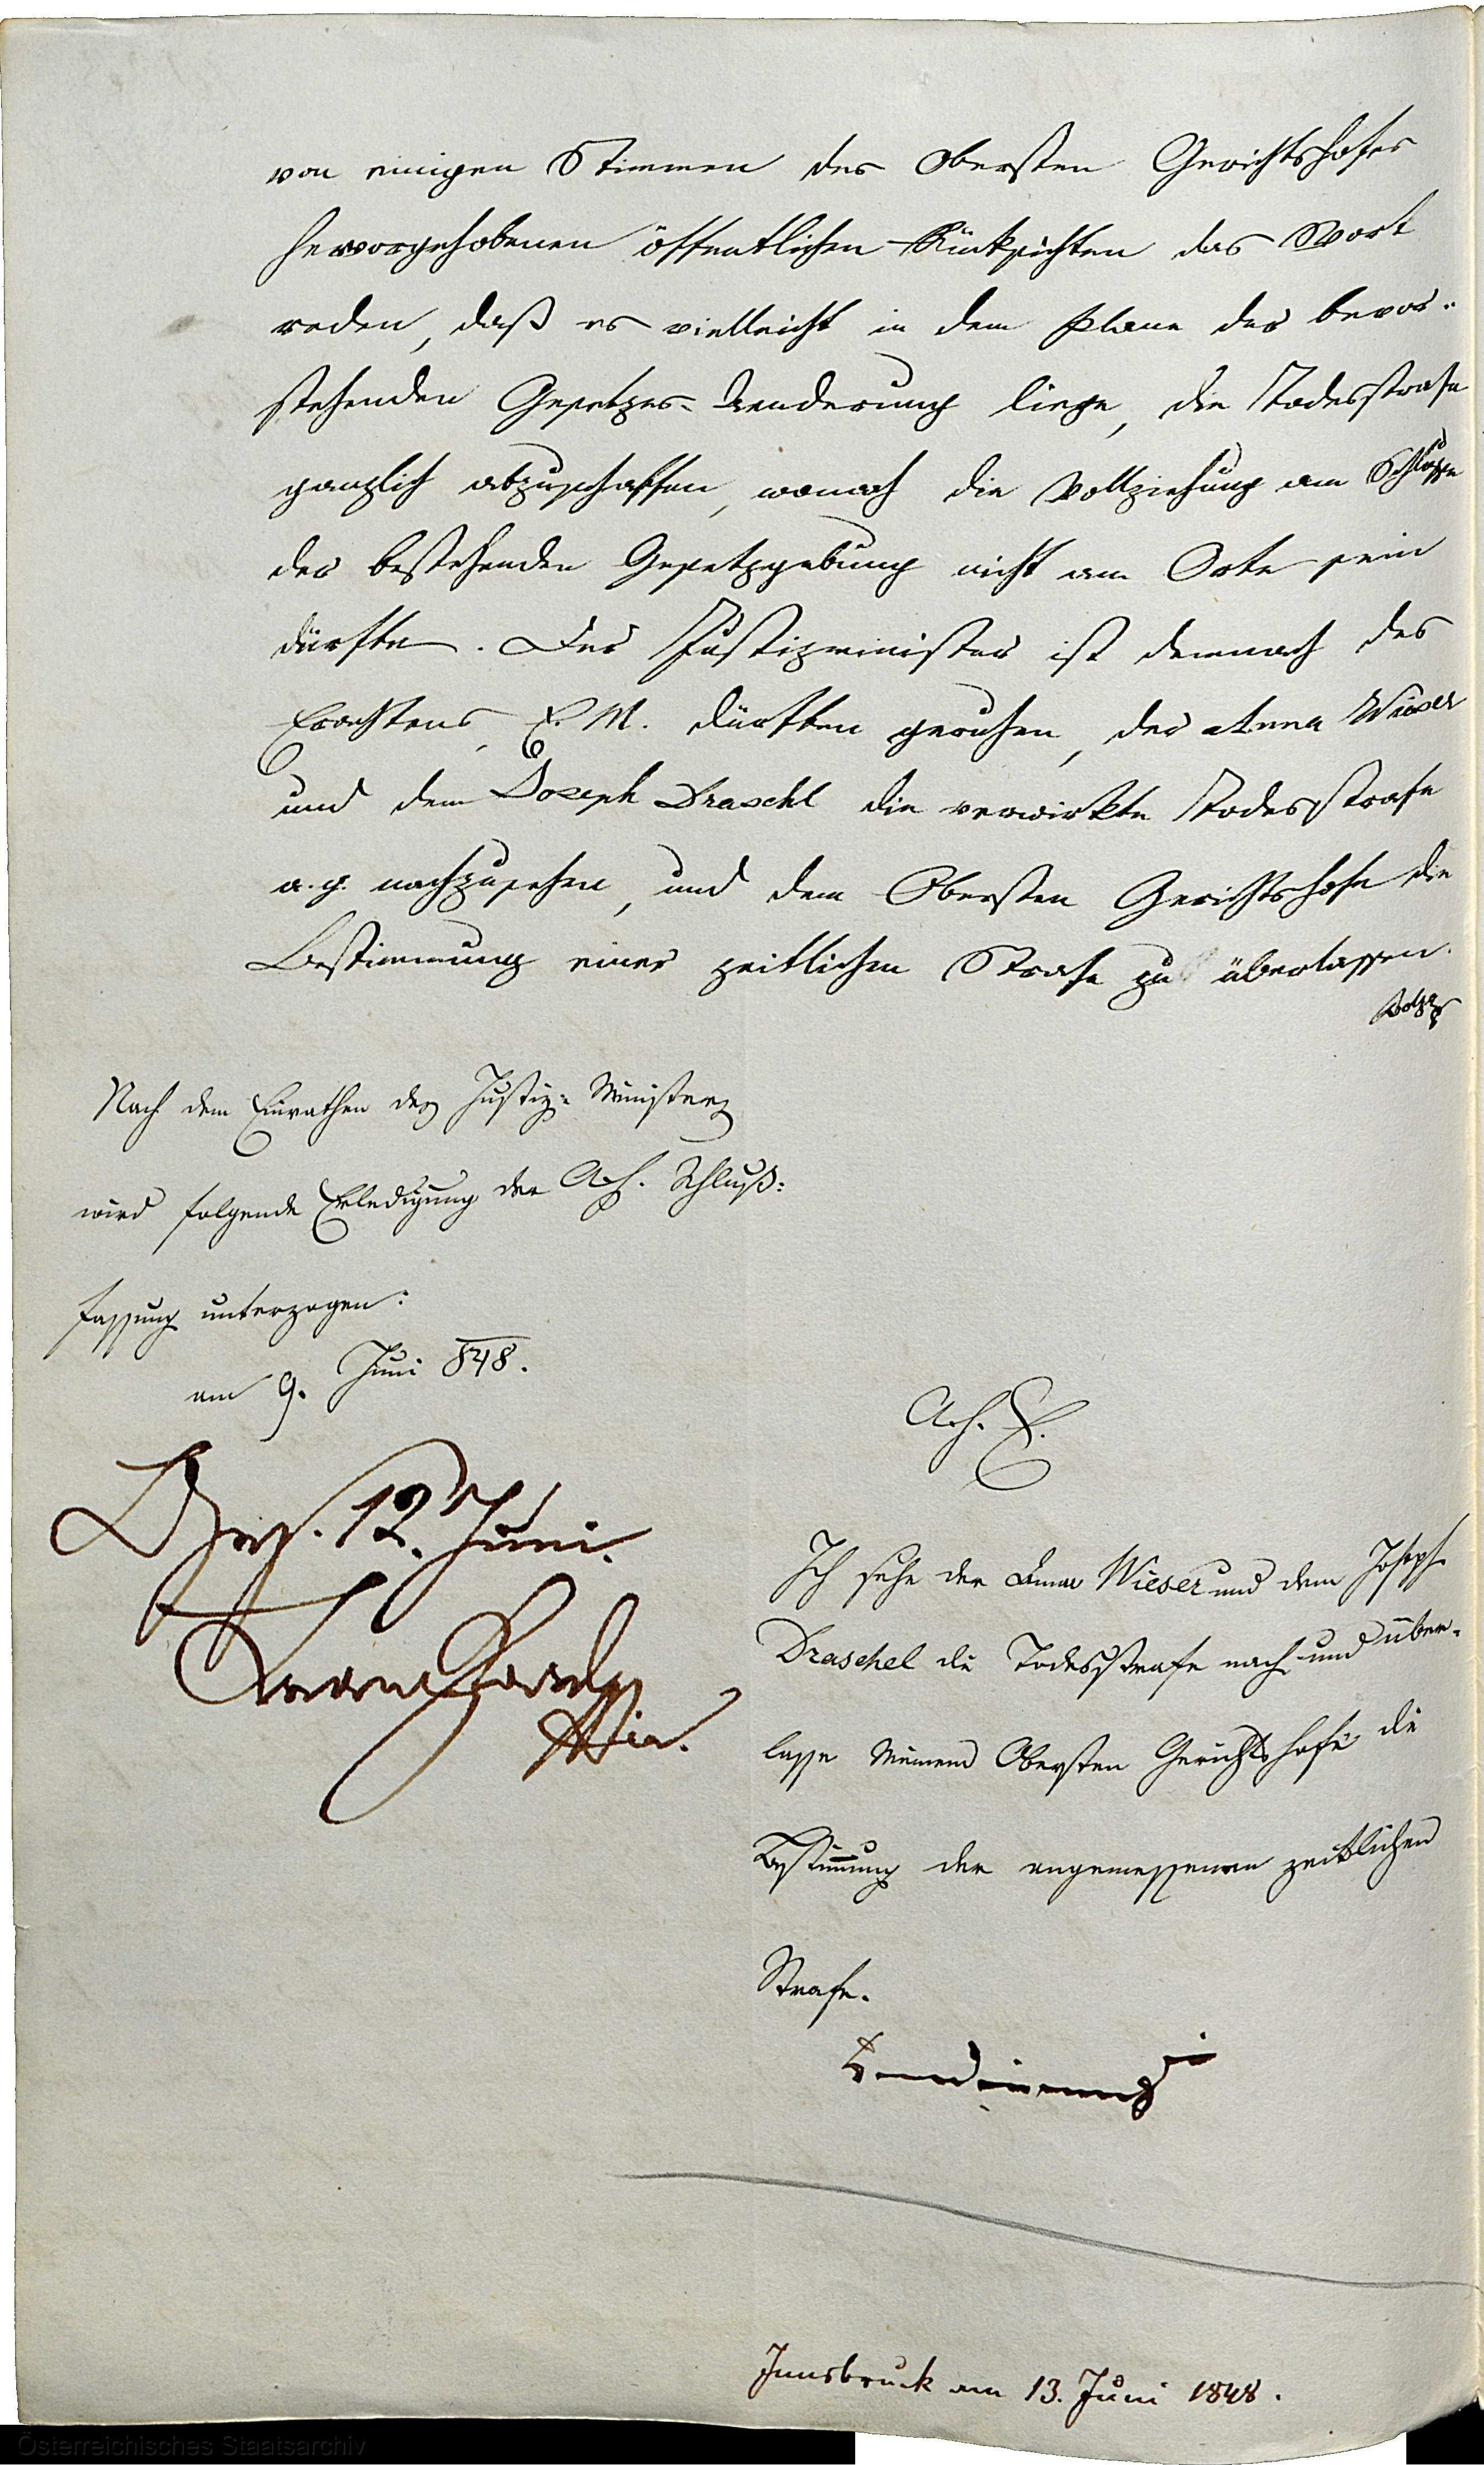von einigen Stimmen des Obersten Gerichtshofes
hervorgehobenen öffentlichen Rücksichten das Wort
reden, daß es vielleicht in dem Plane der bevor¬
stehende Gesetzes Aenderung liege, die Todesstrafe
ganzlich abzuschaffen, wonach die Vollziehung am Schlüsse
der Bestehenden Gesetzgebung nicht am Orte sein
dürfte. Der Justizminister ist demnach des
Erachtens, E.M. dürften geruhen, der Anna Wieser
und dem Joseph Draschl die verwirkte Todesstrafe
a.g. nachzusehen, und dem Obersten Gerichtshofe die
Bestimmung einer zeitlichen Strafe zu überlassen.
Bolza
Nach dem Einrathen des Justiz:Ministers
wird folgende Erledigung der Ah. Schluß¬
fassung unterzogen:
Am 9. Juni 848
Ges. 12. Juni
Franz Karl
Min.
AhE.
Ich sehe der Anna Wieser und dem Joseph
Draschel die Todesstrafe nach und über¬
lasse Meinem Obersten Gerichtshofe die
Bestimmung der angemessenen zeitlichen
Strafe.
Ferdinand
Innsbruck am 13. Juni 1848